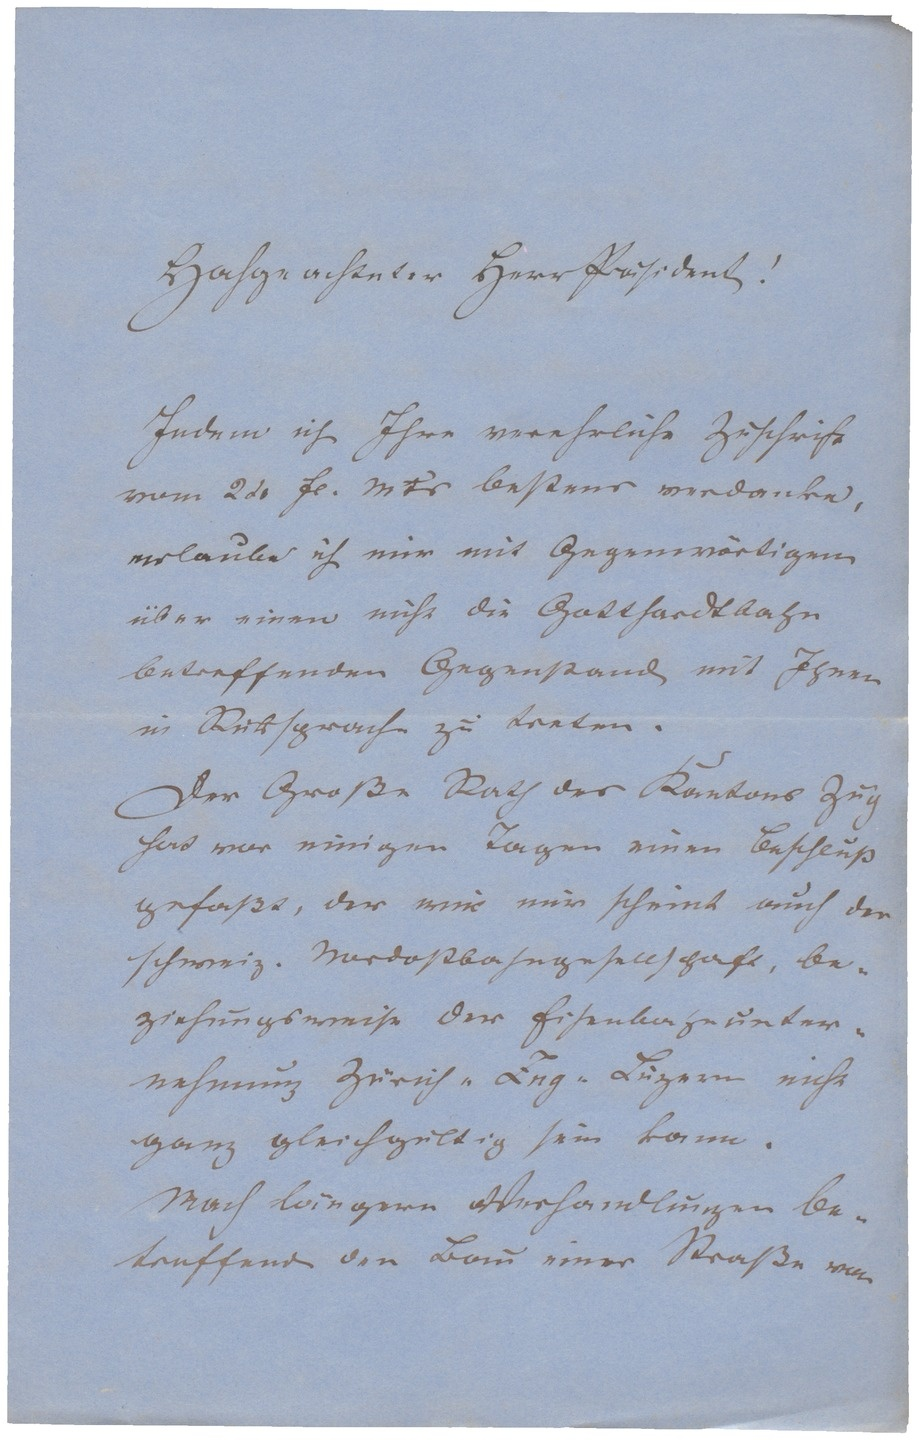Hochgeachteter Herr Präsident!
Indem ich Ihre verehrliche Zuschrift
vom 24 fl. Mt's bestens verdanke,
erlaube ich mir mit Gegenwärtigem
über einen nicht die Gotthardtbahn
betreffenden Gegenstand mit Ihnen
in Rüksprache zu treten.
Der Große Rath des Kantons Zug
hat vor einigen Tagen einen Beschluß
gefaßt, der wie mir scheint auch der
schweiz. Nordostbahngesellschaft, be-
ziehungsweise der Eisenbahnunter-
nehmung Zürich – Zug – Luzern nicht
ganz gleichgültig sein kann.
Nach längeren Verhandlungen be-
treffend den Bau einer Straße von